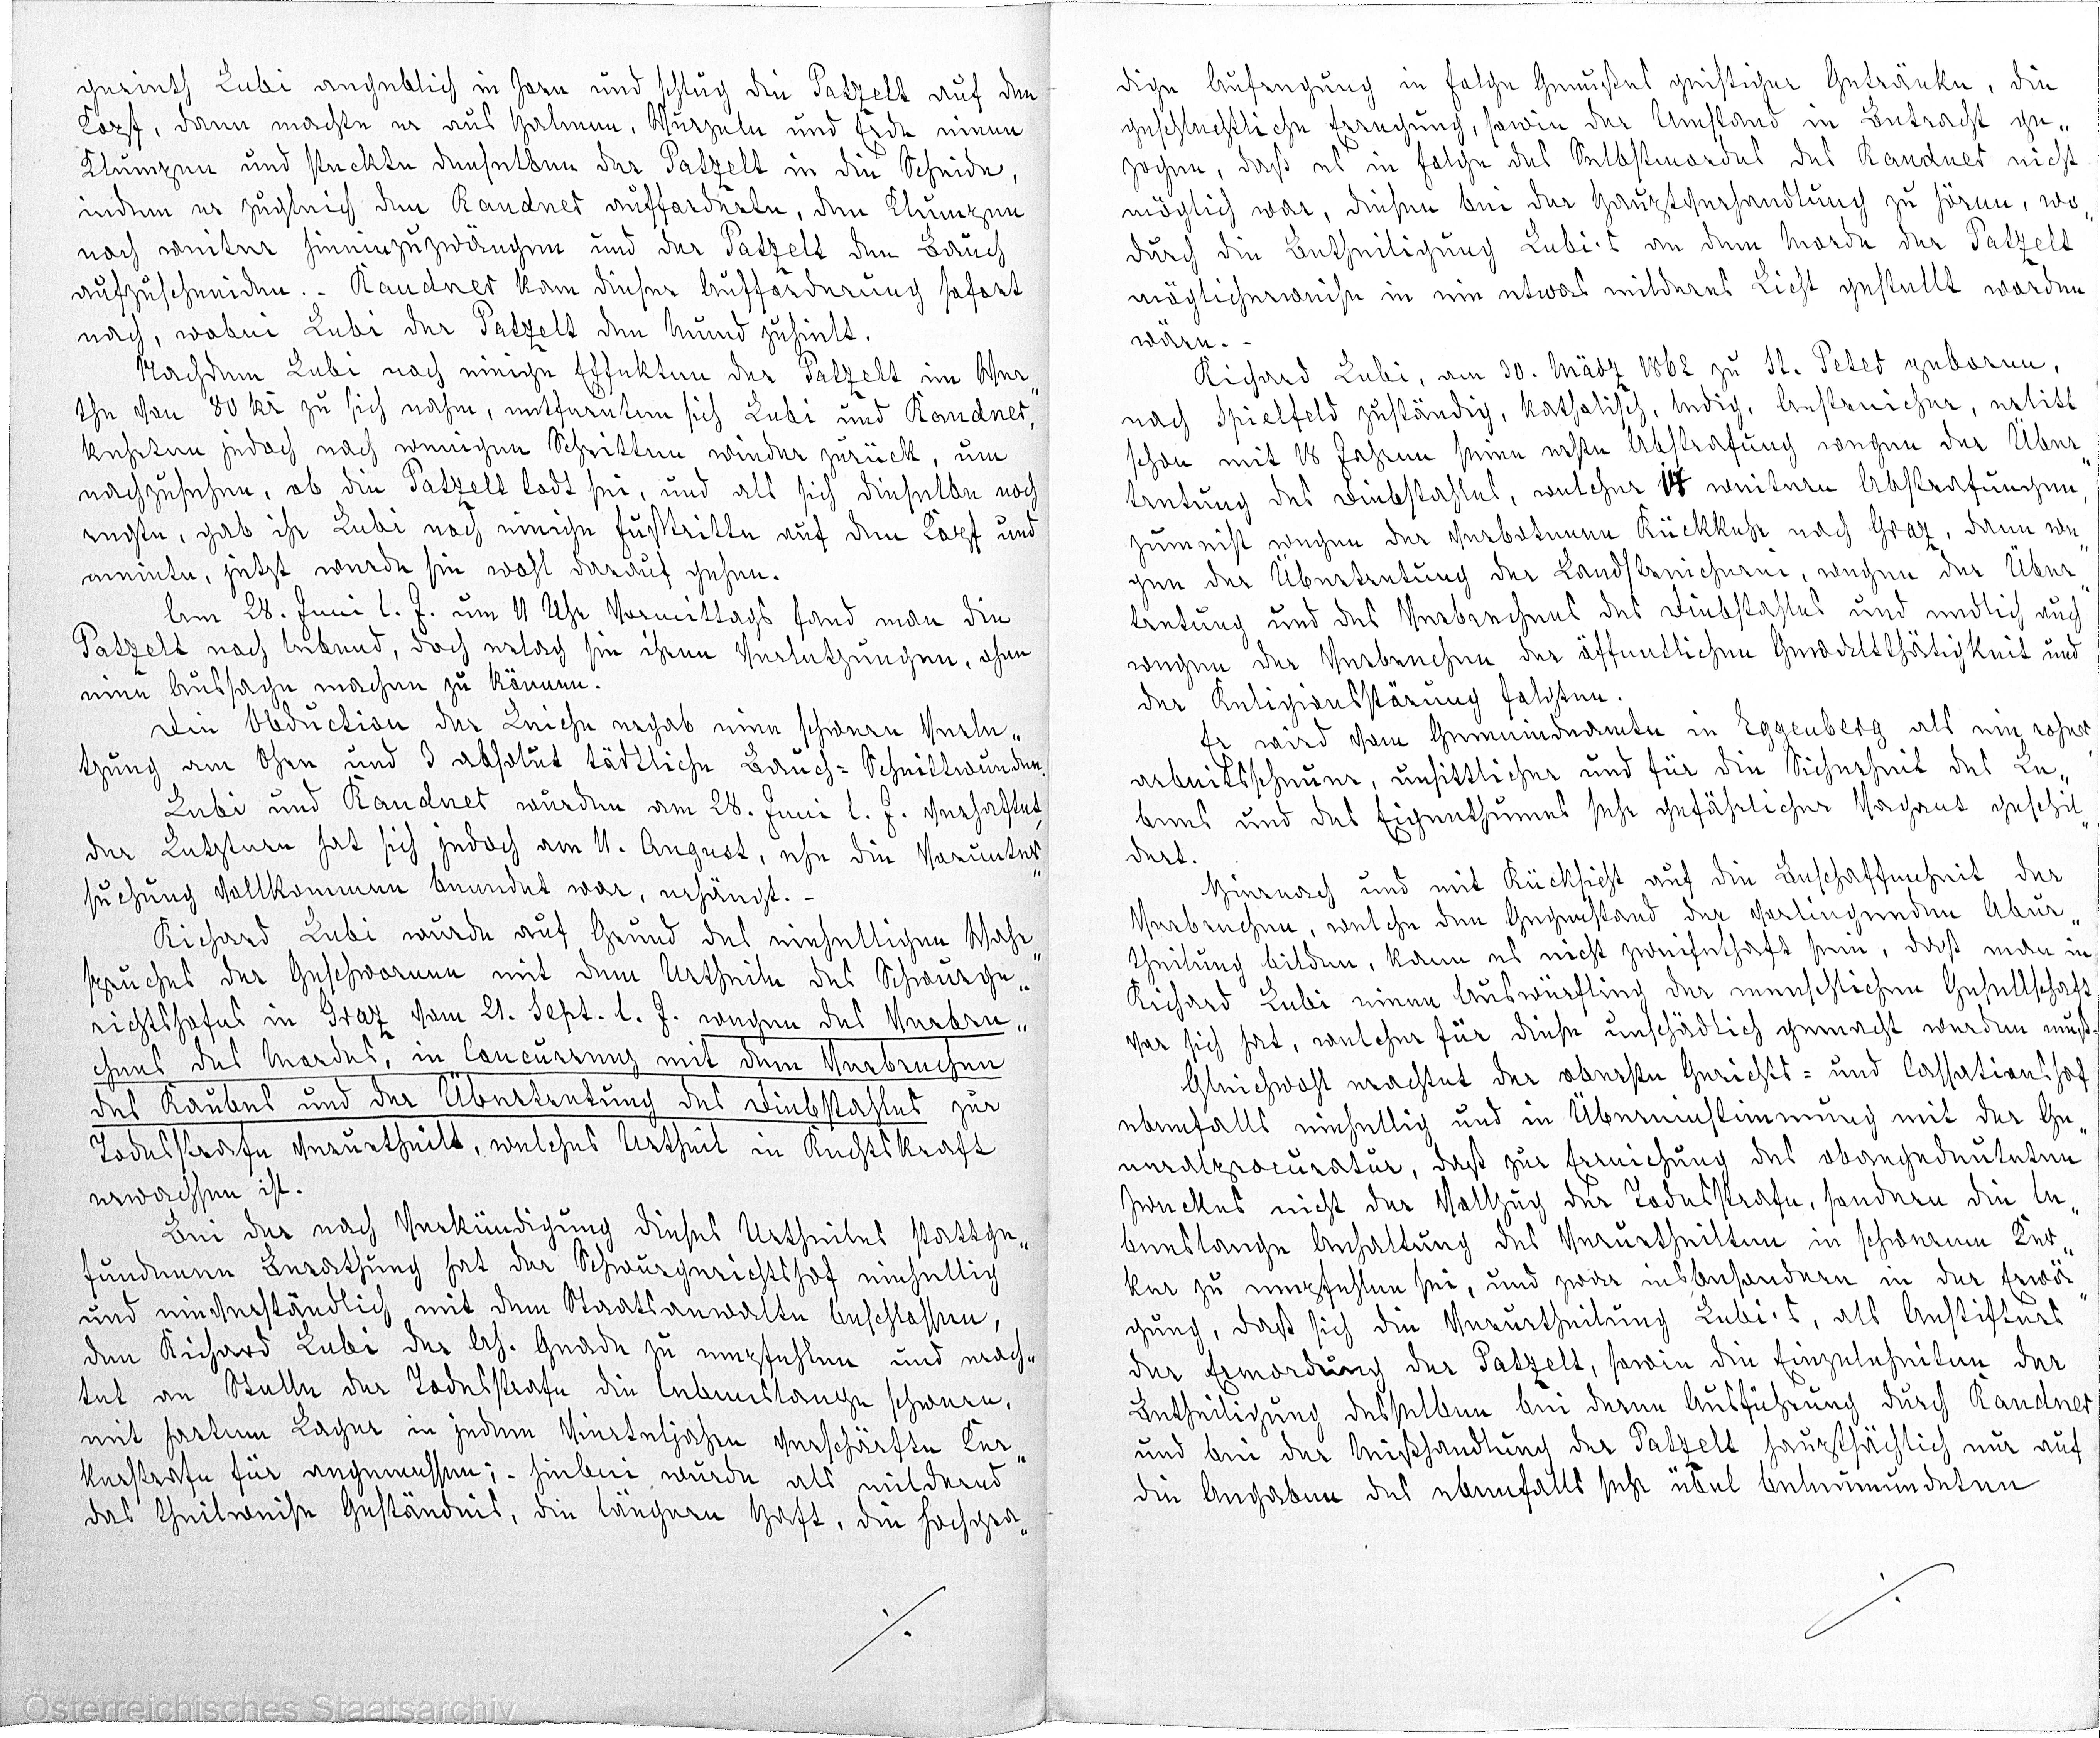gerieth Lubi angeblich in Zorn und schlug die Patzelt auf den
Kopf, dann machte er aus Halmen, Wurzeln und Erde einen
Klumpen und steckte denselben der Patzelt in die Scheide,
indem er zugleich den Raudner aufforderte, den Klumpen
noch weiter hineinzuzwängen und der Patzelt den Bauch
aufzuschneiden. Raudner kam dieser Aufforderung sofort
nach, wobei Lubi der Patzelt den Mund zuhielt.
Nachdem Lubi nach einige Effekten der Patzelt in Ver¬
the von 80 kr zu sich nahm, entfernten sich Lubi und Raudner,
kehrten jedoch nach wenigen Schritten wieder zurück, um
nachzusehen, ob die Patzelt todt sei, und als sich dieselbe noch
regte, gab ihr Lubi noch einige Fußtritte auf den Kopf und
meinte, jetzt wurde sie wohl darauf gehen.
Am 28. Juni l. J. um 11 Uhr Vormittags fand man die
Patzelt noch lebend, doch erlag sie ihren Verletzungen, ohne
eine Aussage machen zu können.
Die Obduktion der Leiche ergab eine schwere Verle¬
tzung am Ohre und 3 absolut tödtliche Bauch-Schnittwunden.
Lubi und Raudner wurden am 28. Juni l. J. verhaftet,
der Letztere hat sich jedoch am 11. August, ehe die Vorunter¬
suchung vollkommen beendet war, erhängt.
Richard Lubi wurde auf Grund des einhelligen Wahr¬
spruches der Geschworene mit dem Urtheile des Schwurge¬
richtshofes in Graz vom 21. Sept. l. J. wegen des Verbre¬
chens des Mordes, in Concurrenz mit dem Verbrechen
des Raubes und der Übertretung des Diebstahles zur
Todesstrafe verurtheilt, welches Urtheil in Rechtskraft
erwachsen ist.
Bei der nach Verkündigung dieses Urtheiles stattge¬
fundenen Berathung hat der Schwurgerichtshof einhellig
und einverständlich mit dem Staatsanwalt beschlossen,
den Richard Lubi der Ah. Gnade zu empfehlen und erach¬
tet an Stelle der Todesstrafe die lebenslange schwere,
mit hartem Lager in jedem Vierteljahre verschärfte Ker¬
kerstrafe für angemessen; hiebei wurde also mildernd
das theilweise Geständnis, die längere Haft, die hochgra¬
dige Aufregung in Folge Genußes geistiger Getränke, die
geschlechtliche Erregung, sowie der Umstand in Betracht ge¬
zogen, daß es in Folge des Selbstmordes des Raudner nicht
möglich war, diesen bei der Hauptverhandlung zu hören, wo¬
durch die Betheiligung Lubi’s an dem Morde der Patzelt
möglicherweise in ein etwas milderes Licht gestellt worden
wäre.
Richard Lubi, am 30. März 1862 zu St. Peter geboren,
nach Spielfeld zuständig, katholisch, ledig, Anstreicher, erlitt
schon mit 18 Jahren seine erste Abstrafung wegen der Über¬
tretung des Diebstahles, welcher 14 weitere Abstrafungen
zumeist wegen der Verbotenen Rückkehr nach Graz, dann we¬
gen der Übertretung der Landstreicherei, wegen der Über¬
tretung und der Verbrechen des Diebstraftes und molich auch
wegen der Verbrechen der öffentlichen Gewaltthätigkeit und
der Religionsstörung folgten.
Er wird vom Gemeindeamte in Eggenberg als ein roher
arbeitsscheuer, unsittlicher und für die Sicherheit des Le¬
bens und des Eigenthumes sehr gefährlicher Vagant geschil¬
dert.
Hiernach und mit Rücksicht auf die Beschaffenheit der
Verbrechen, welche den Gegenstand der vorliegenden Abur¬
theilung bilden, kann es nicht zweifelhalf sein, daß man in
Richard Lubi einen Auswürfling der menschlichen Gesellschaft
vor sich hat, welcher für diese unschädlich gemacht werden muß.
Gleichwohl erachtet der oberste Gerichts- und Cassationshof
ebenfalls einhellig und in Übereinstimmung mit der Ge¬
neralprocuratur, daß zur Erreichung des obangedeuteten
Zweckes nicht der Vollzug der Todesstrafe, sondern die le¬
benslange Anhaltung des Verurtheilten in schweren Ker¬
ker zu empfehlen sei, und zwar insbesondere in der Erwä¬
gung, daß sich die Verurtheilung Lubi’s, als Anstifters
der Ermordung der Patzelt, sowie die Einzeleheiten der
Betheiligung desselben bei deren Ausführung durch Raudner
und bei der Mißhandlung der Patzelt hauptsächlich nur auf
die Angaben des ebenfalls sehr übel beleumundeten